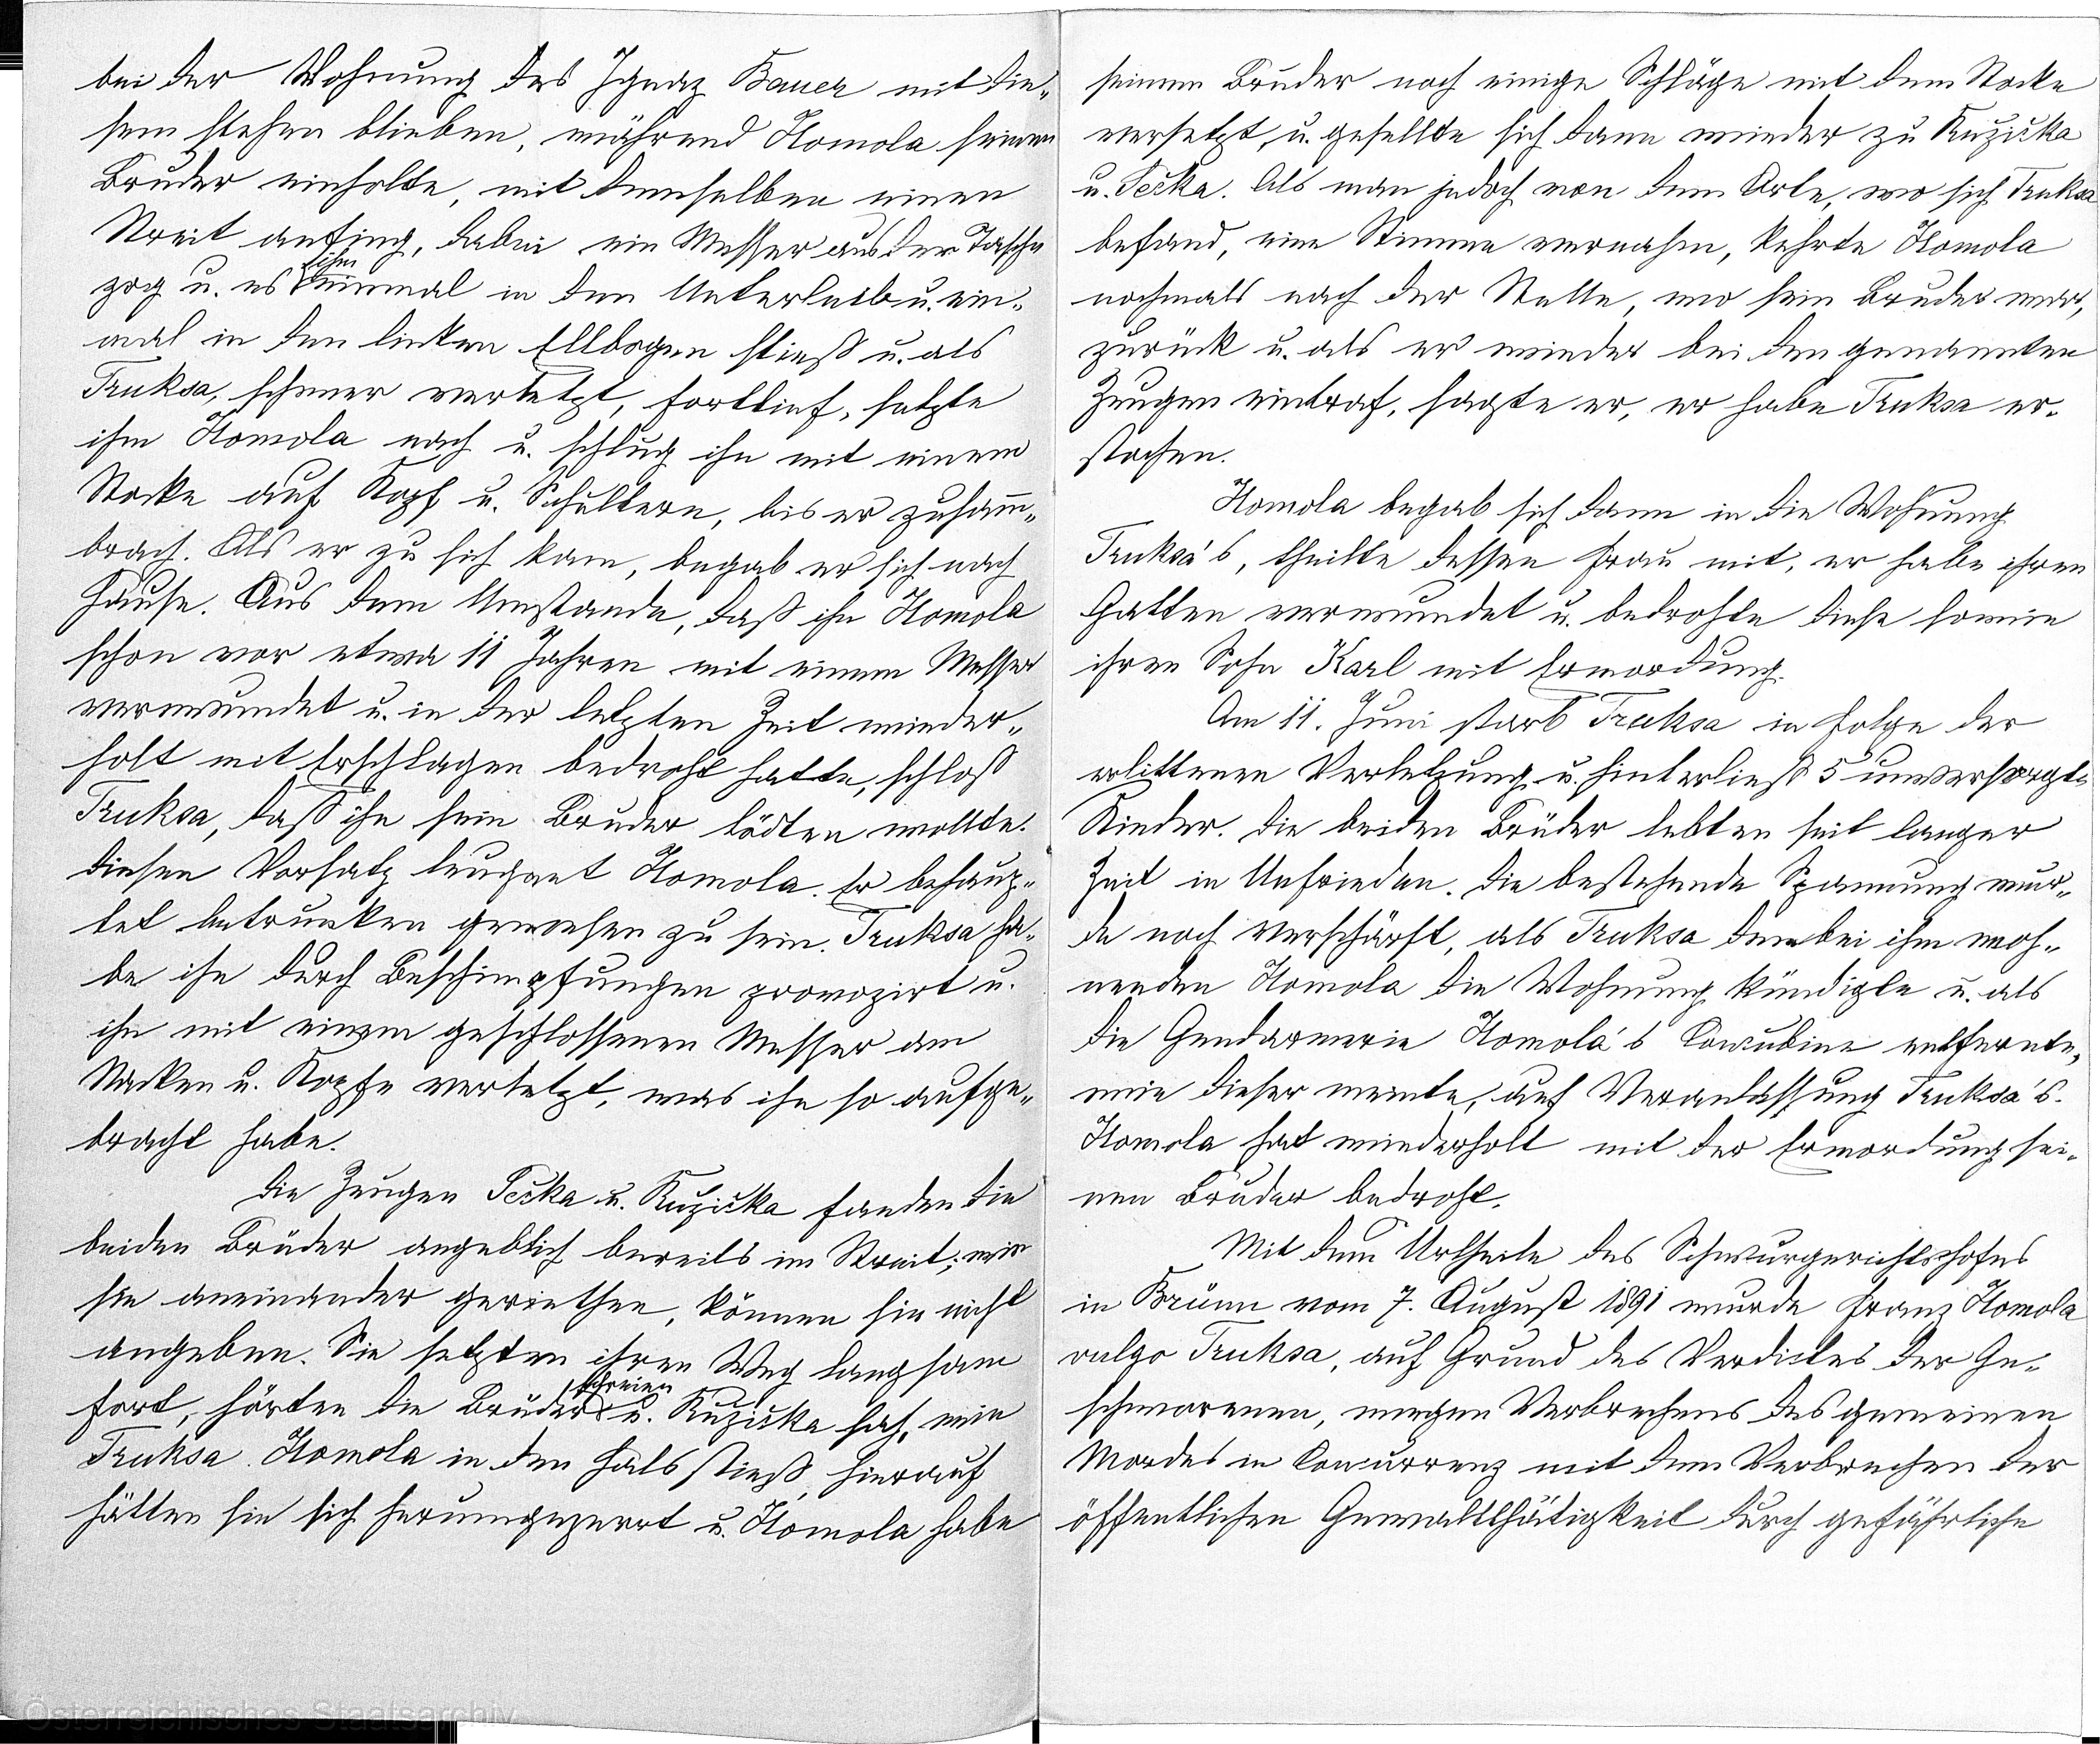bei der Wohnung des Ignaz Bauer mit die¬
sem stehen blieben, während Homola seinem
Bruder einholte, mit demselben einen
Streit anfing, dabei ein Messer aus der Tasche
zog u. es ihm einmal in den Unterleib u. ein¬
mal in den linken Ellbogen stießt u. als
Truksa, schwer verletzt, fortlief, folgte
im Homola nach u schlug ihn mit einem
Stocke auf Kopf u. Schultern, bis er zusam¬
menbrach. Als er zu sich kam, begab er sich nach
Hause. Aus dem Umstande, daß ihn Homola
schon vor etwa 11 Jahren mit einem Messer
verwundet u. in der letzten Zeit wieder¬
holt mit Erschlagen bedroht hatte, schloß
Truksa, daß ihn sein Bruder tödten wollte.
Diesen Vorsatz leugnet Homola. Er befaup¬
tet betrunken gewesen zu sein. Truksa ha¬
be ihn durch Beschimpfungen provozirt u.
ihn mit einen geschlossenen Messer am
Nachen u. Kopfe verletzt, was ihn so aufge¬
bracht habe.
Die Zeugen Sečka u. Bužička fanden die
beiden Brüder angeblich bereits im Streit, wie
sie aneinander geriethen, können sie nicht
angeben. Sie setzten ihren Weg langsam
schreien
fort, hörten die Brüder u. Bužička sah, wie
Truksa Homola in den Hals stieß, hierauf
hätten sie sich herumgezerrt u. Homola habe
seinem Bruder nach einige Schläge mit dem Stocke
versetzt u. gesellte sich dann wieder zu Bužička
u. Sečka. Als man jedoch von dem Orte, wo sich Truksa
befand, eine Stimme vernahm, kehrte Homola
nochmals nach der Stette, wo sein Bruder war
zurück u. als er wieder bei den genannten
Zeugen eintraf, sagte er, er habe Truksa er¬
stochen.
Homola begab sich dann in die Wohnung
Truksa’s, tehilte dessen Frau mit, er habe ihren
Gatten verwundet u bedrohte diese sowie
ihren Sohn Karl mit Ermordung.
Am 11. Juni starb Truksa in Folge der
erlittenen Verletzung u. hinterließ 5 unversorgte
Kinder. Die beiden Brüder lebten seit langer
Zeit in Unfrieden. Die bestehende Spannung wur¬
de noch verschärft, als Truksa dem bei ihm woh¬
nende Homola die Wohnung kündigte u. als
die Gendarmerie Homola’s Concubine entfernte,
wie dieser weinte, auf Veranlassung Truksa’s.
Homola hat wiederholt mit der Ermordung sei¬
nen Bruder bedroht.
Mit dem Urtheile des Schwurgerichtshofes
in Brünn vom 7. August 1891 wurde Franz Homola
vulgo Truksa auf Grund des Verdictes der Ge¬
schworenen, wegen Verbrechens des gemeinen
Mordes in Concurrenz mit dem Verbrechen der
öffentlichen Gewaltthätigkeit durch gefährliche